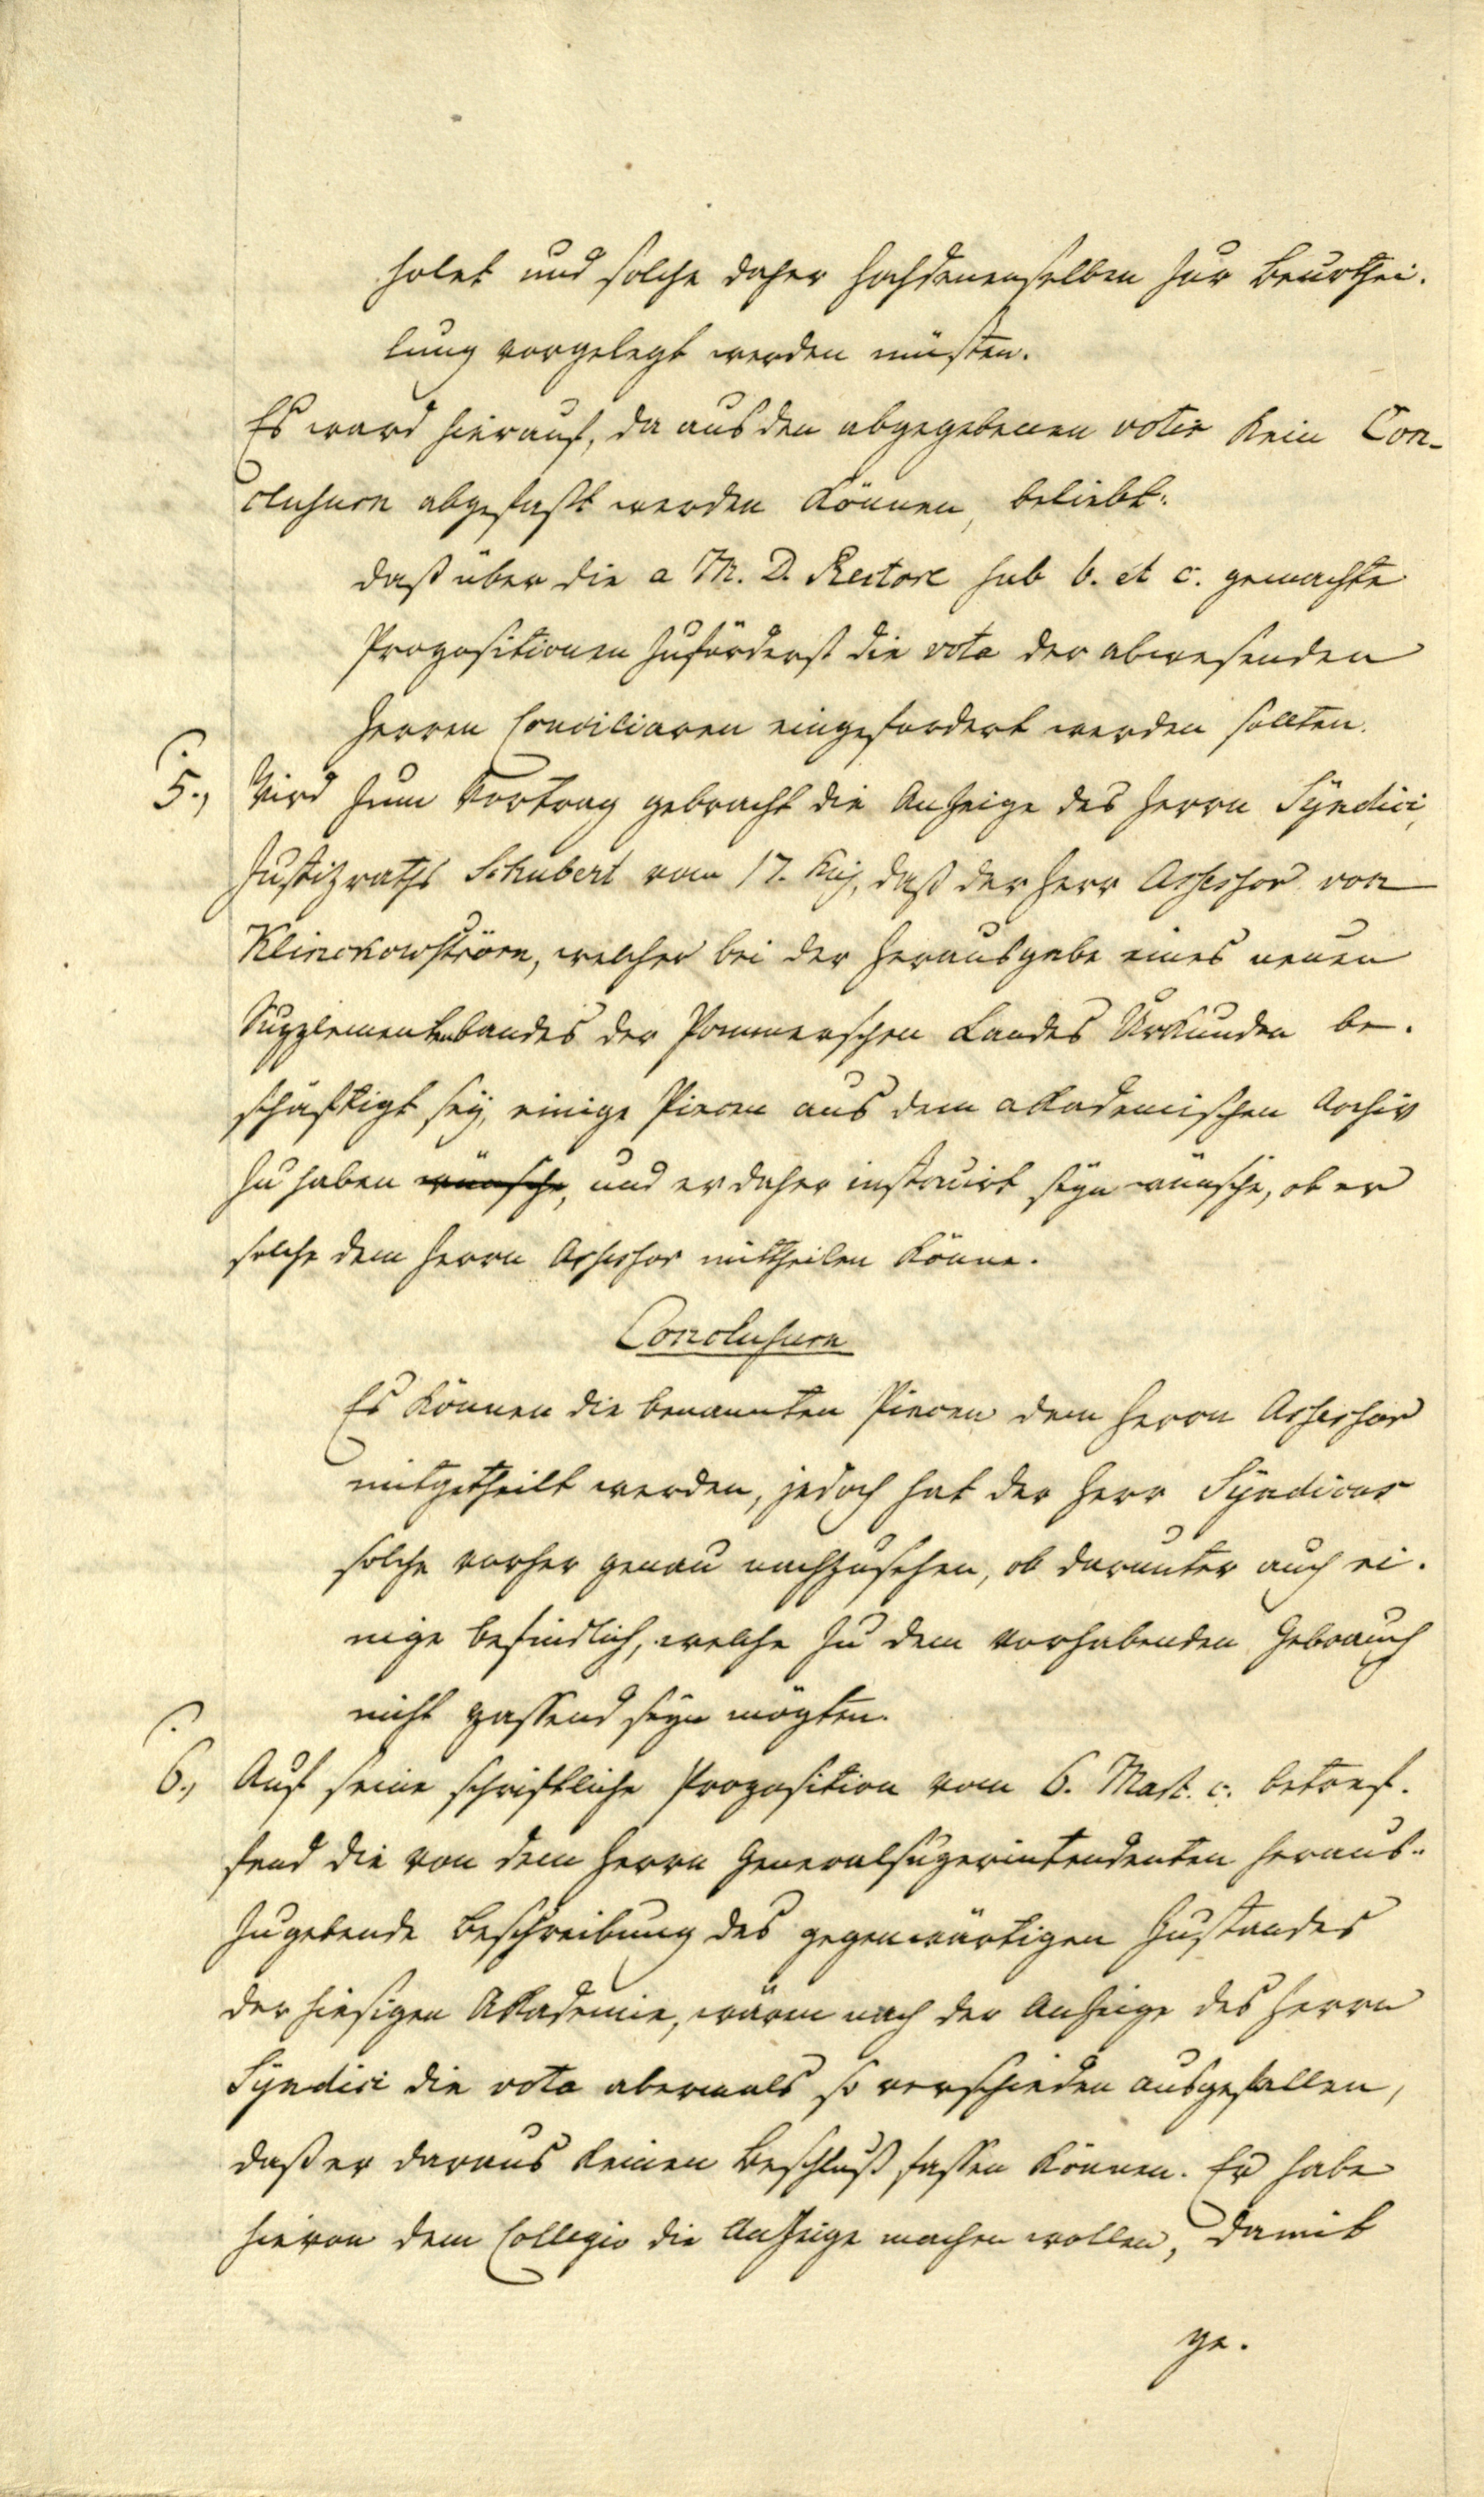holet und solche daher Hochdenenselben zur Beurthei¬
lung vorgelegt werden müßten:
Es ward hierauf, da aus den abgegebenen votis kein Con¬
clusum abgefaßt werden können, beliebt:
daß über die a M. D. Rectore sub b. et c. gemachte
Propositionen zuförderst die vota der abwesenden
Herren Conciliaren eingefordert werden sollten.
5., Wird zum Vortrag gebracht die Anzeige des Herrn Sÿndici,
Justizraths Schubert vom 17. huj, daß der Herr Assessor von
Klinckowström, welcher bei der Herausgabe eines neuen
Supplementenbandes der Pommerschen Landes Urkunden be¬
schäftigt seÿ, einige Piecen aus dem akademischen Archiv
zu haben wünsche, und er daher instruirt seÿn wünsche, ob er
solche dem Herrn Assessor mittheilen könne.
Conclusum
Es können die benannten Piecen dem Herrn Assersor
mitgetheilt werden, jedoch hat der Herr Sÿndicus
solche vorher genau nachzusehen, ob darunter auch ei¬
nige befindlich, welche zu dem vorhabenden Gebrauch
nicht passend seÿn mögten.
6., Auf seine schriftliche Proposition vom 6. Mart c. betref¬
fend die von dem Herrn Generalsuperintendenten heraus¬
zugebende Beschreibung des gegenwärtigen Zustandes
der hiesigen Akademie, wären nach der Anzeige des Herrn
Sÿndici die vota abermals so verschieden ausgefallen,
daß er daraus keinen Beschluß fassen können. Er habe
hievon dem Collegio die Anzeige machen wollen, damit
ge